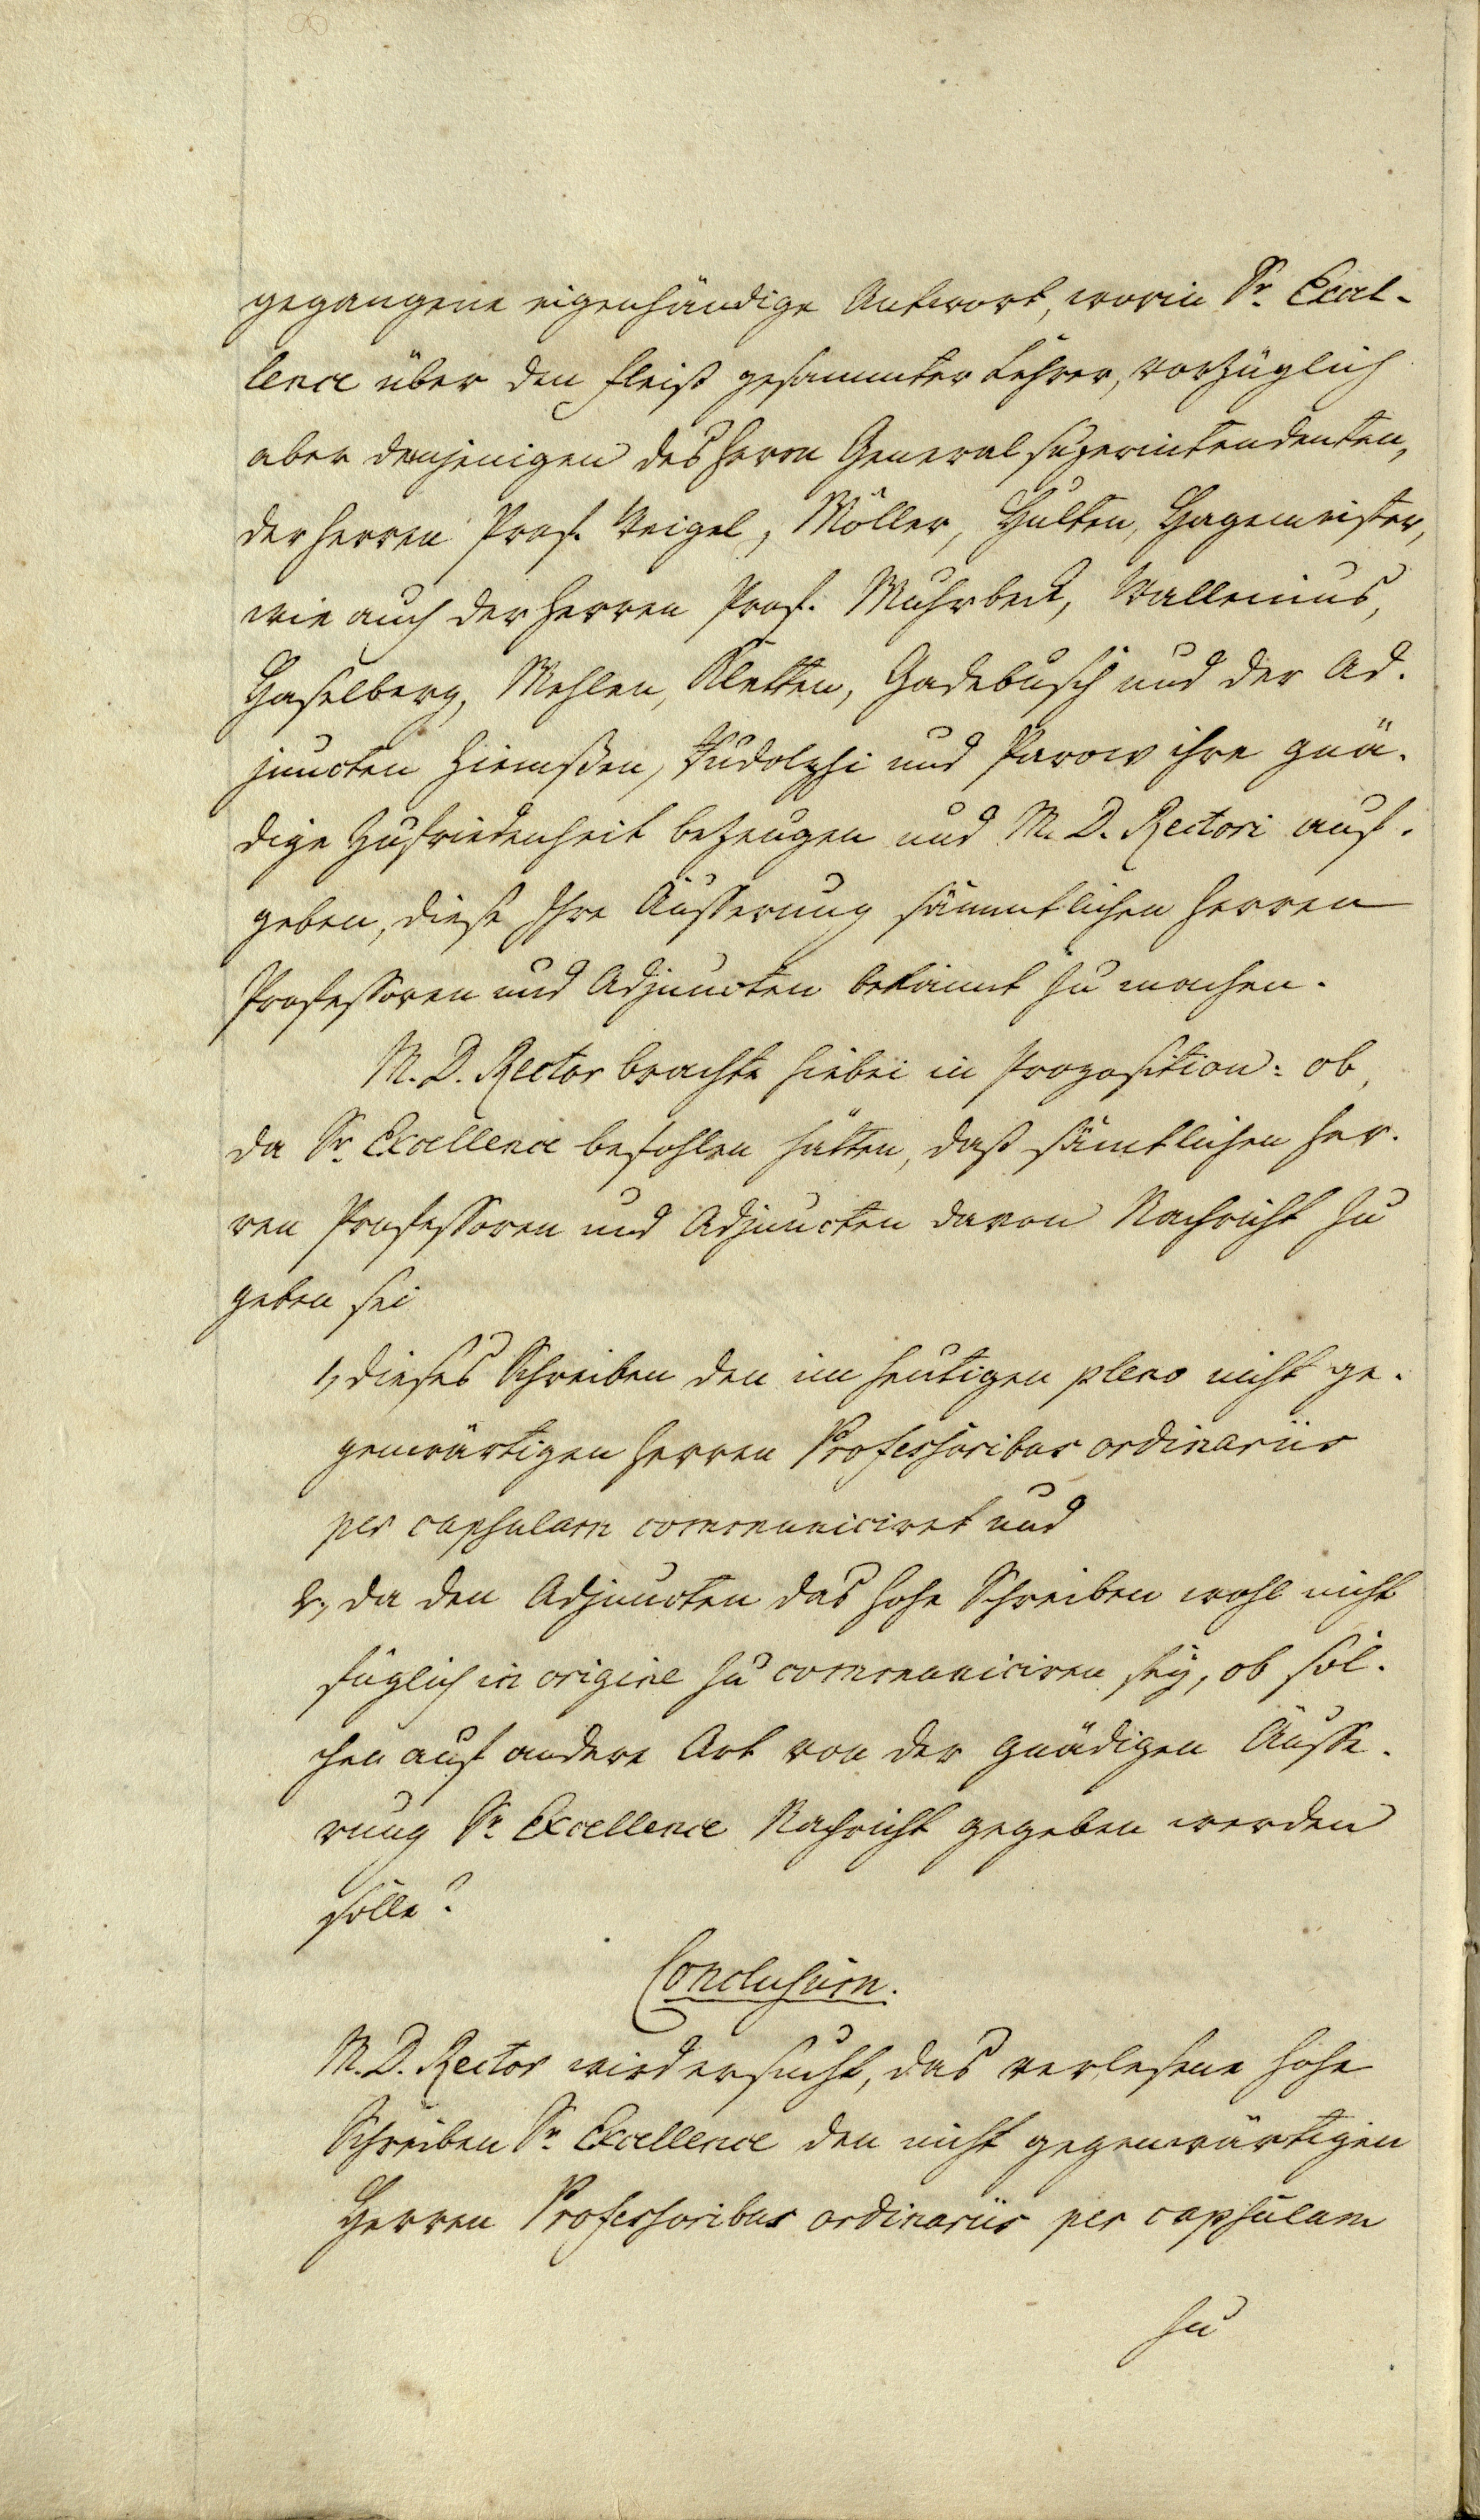gegangene eigenhändige Antwort, worin Sr Excel¬
lence über den Fleiß gesammter Lehrer, vorzüglich
aber demjenigen des Herrn Generalsuperintendenten,
der Herren Prof. Weigel, Möller, Hulten, Hagemeister,
wie auch der Herren Prof. Muhrbeck, Wallenius,
Haselberg, Mehlen, Kletten, Gadebusch und der Ad¬
juncten Ziemßen, Rudolphi und Parow ihre gnä¬
dige Zufriedenheit bezeugen und M. D. Rectori auf¬
geben, diese Ihre Äusserung sämmtlichen Herren
Professoren und Adjuncten bekannt zu machen.
M. D. Rector brachte hiebei in Proposition: ob,
da Sr Excellence befohlen hätten, daß sämtlichen Her¬
ren Professoren und Adjuncten davon Nachricht zu
geben sei
1, dieses Schreiben den im heutigen pleno nicht ge¬
genwärtigen Herren Professoribus ordinariis
per capsulam communiciret und
2, da den Adjucten das hohe Schreiben wohl nicht
füglich in origine zu communiciren seÿ, ob sol¬
chen auf andere Art von der gnädigen Äusse¬
rung Sr Excellence Nachricht gegeben werden
solle?
Conclusum.
M. D. Rector wird ersucht, das verlesene hohe
Schreiben Sr Excellence den nicht gegenwärtigen
Herren Prosessoribus ordinariis per capsulam
zu